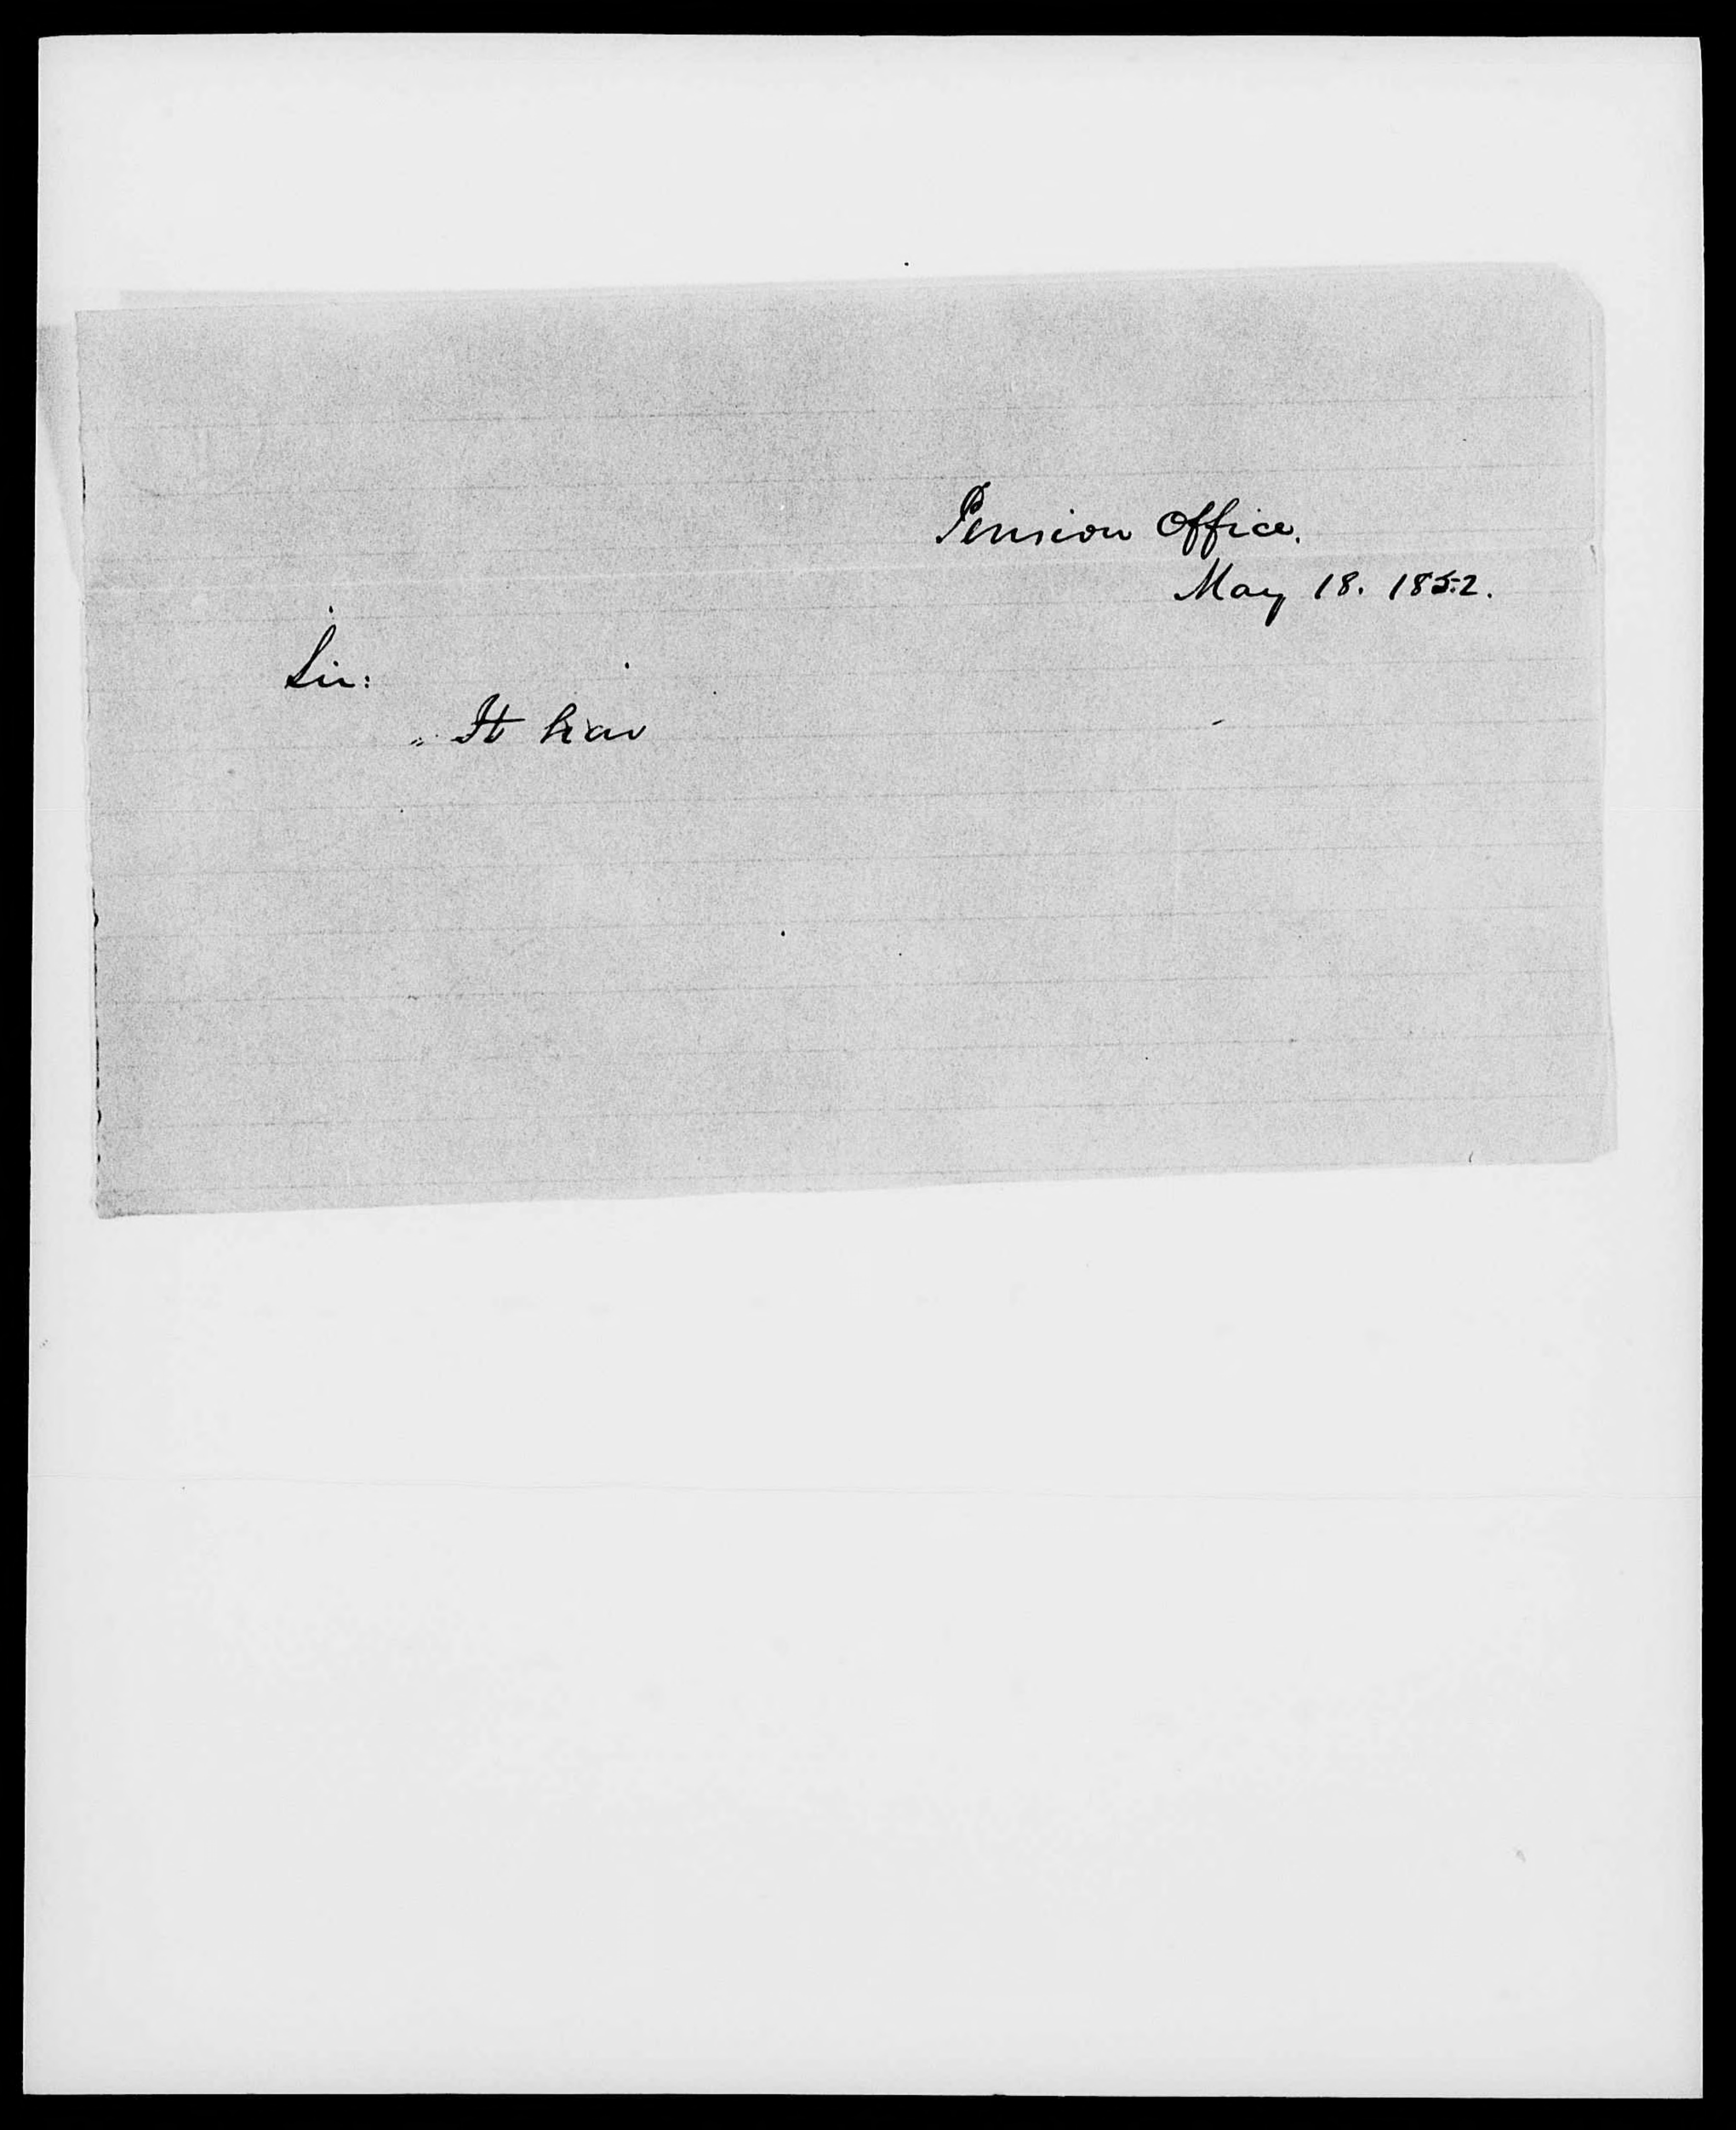Pension Office
May 18, 1852.

Sir:
It has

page: 27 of 45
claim: widow's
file: W. 2734, Stephen Hetfield, New Jersey